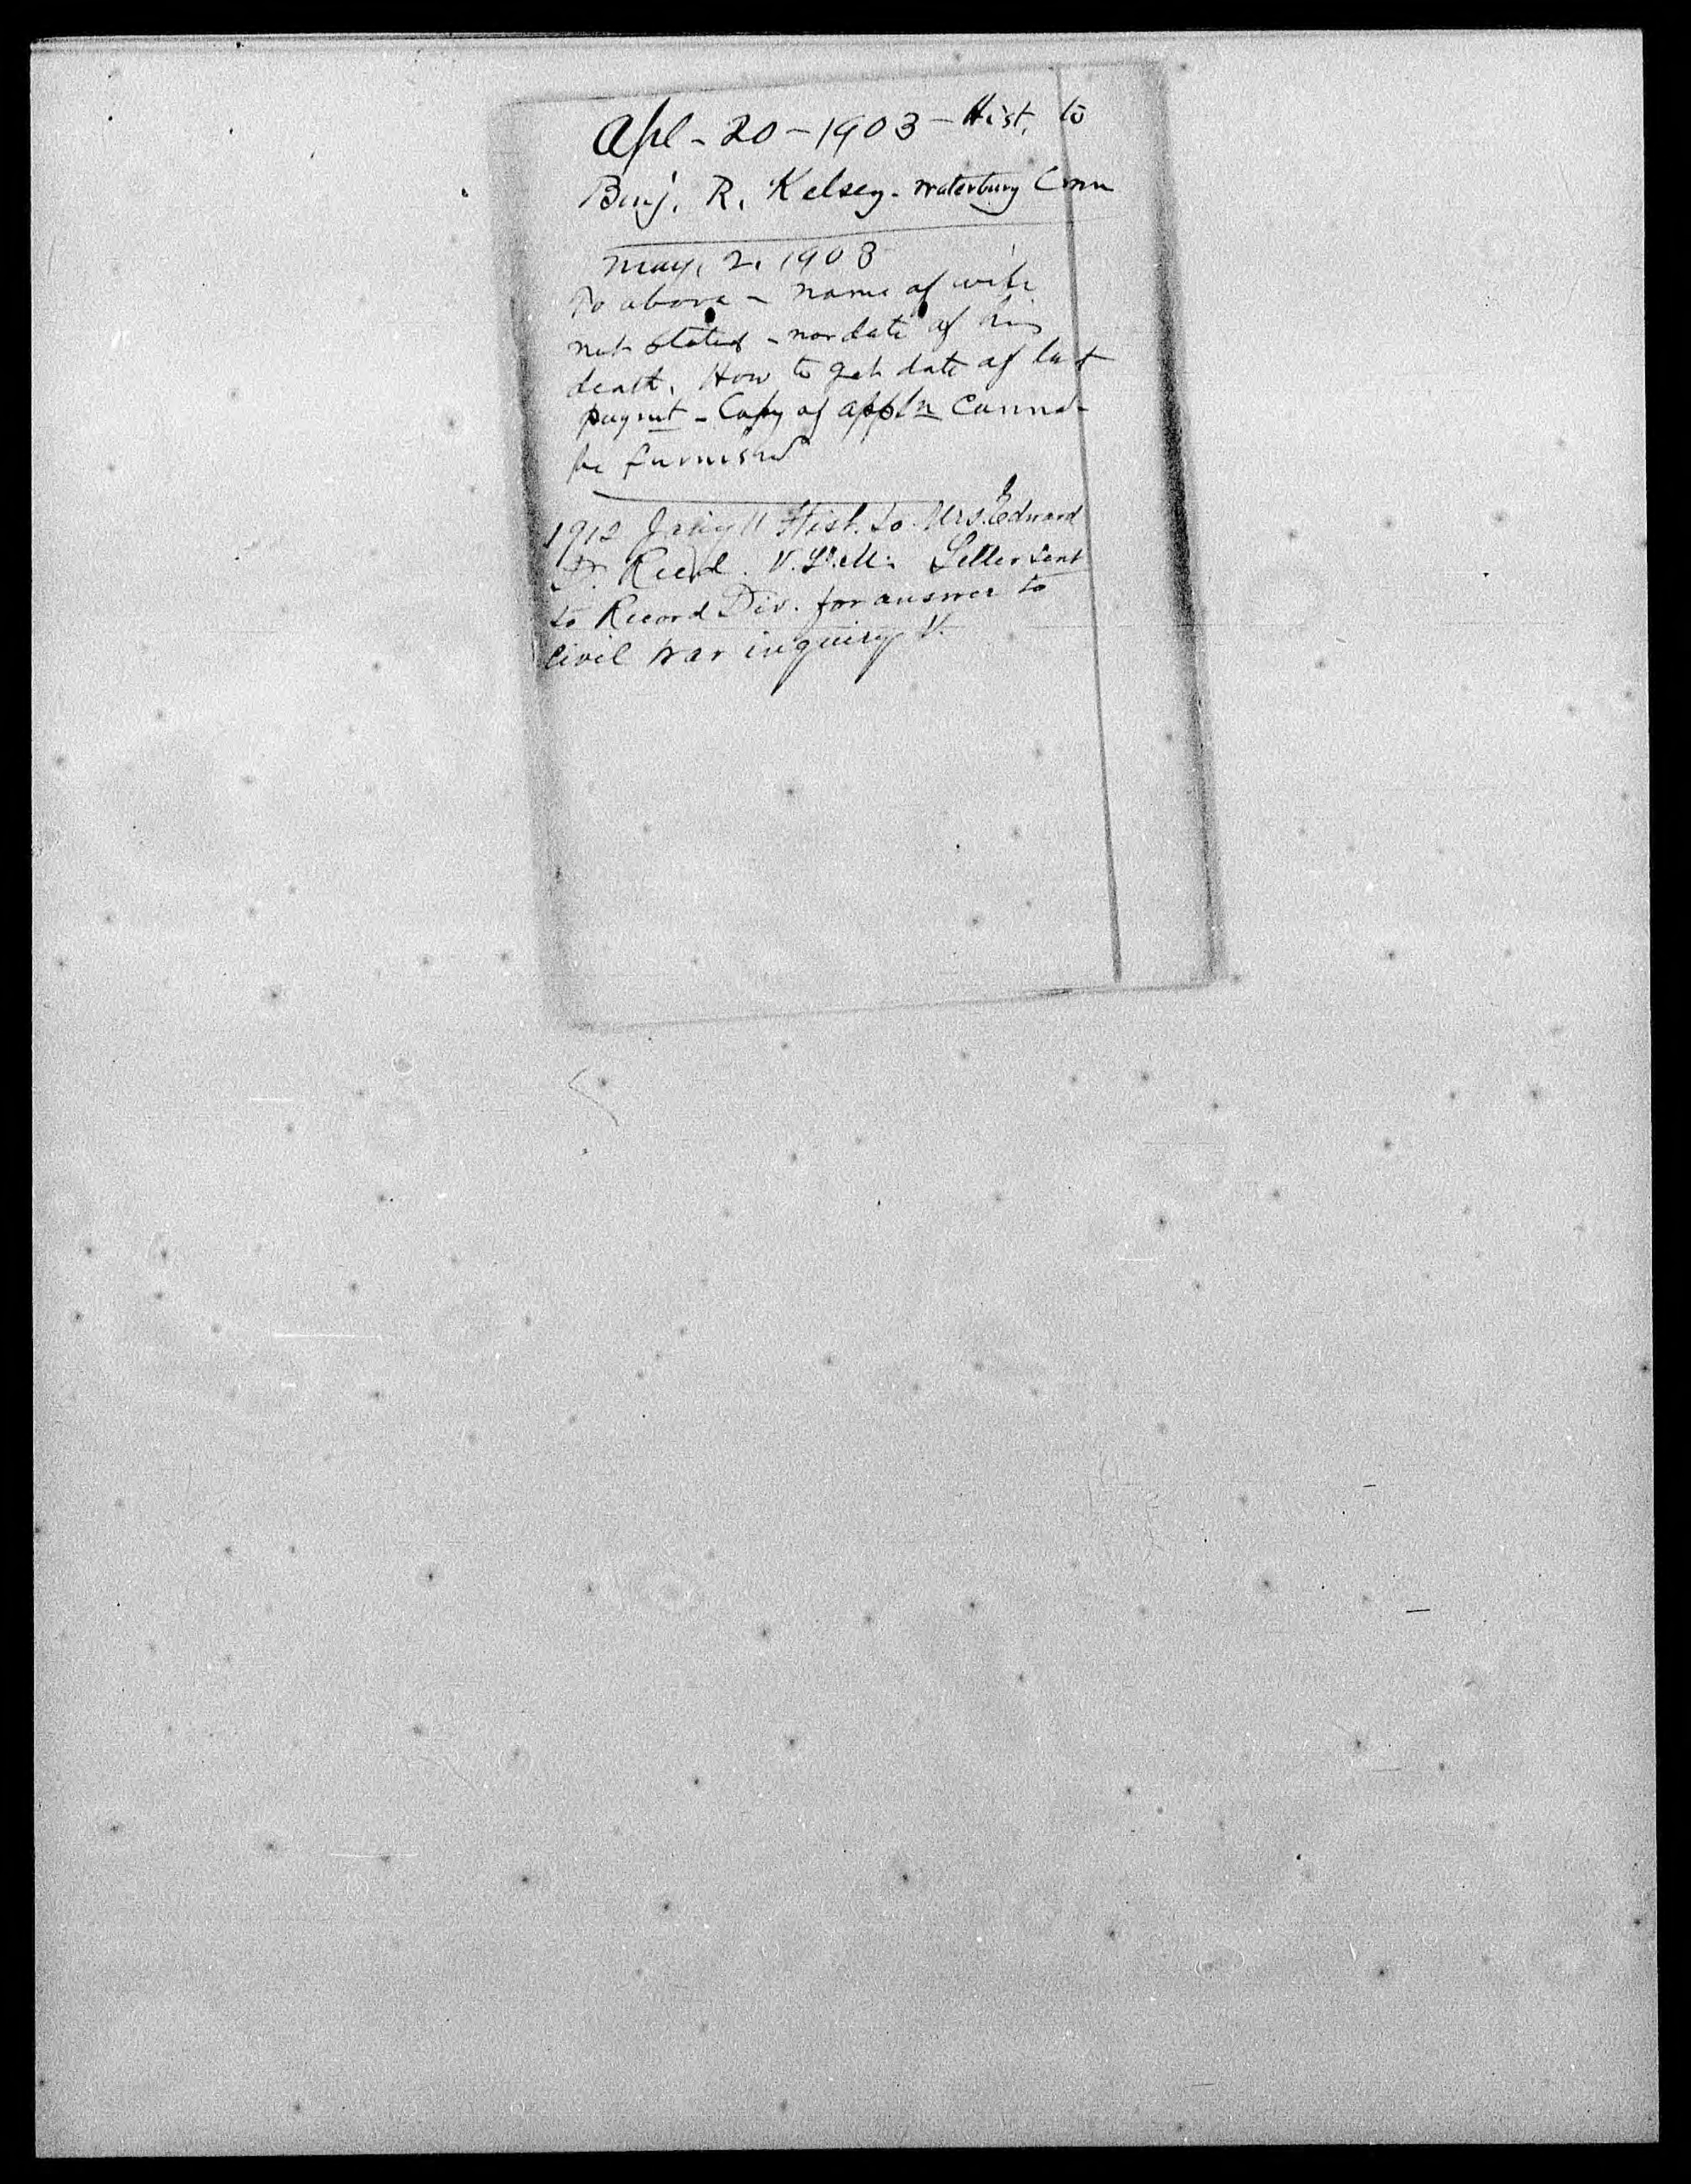Apl. 20 - 1903 - Hist. to Benj R. Kelsey Waterbury Conn 
May 22, 1903 to above- name of wife not stated, nor date of his death. How to get date of last payment, Copy of application cannot be furnished 
1912 Jany 11 Hist to Mrs. Edward D. Reed, V.L.M. Letter sent to Record Div for answers to Civil War Inquiry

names: Edward D Reed; Benj R Kelsey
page: 16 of 21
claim: survivor's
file: S. 36676, for Benjamin Kelsey, Connecticut